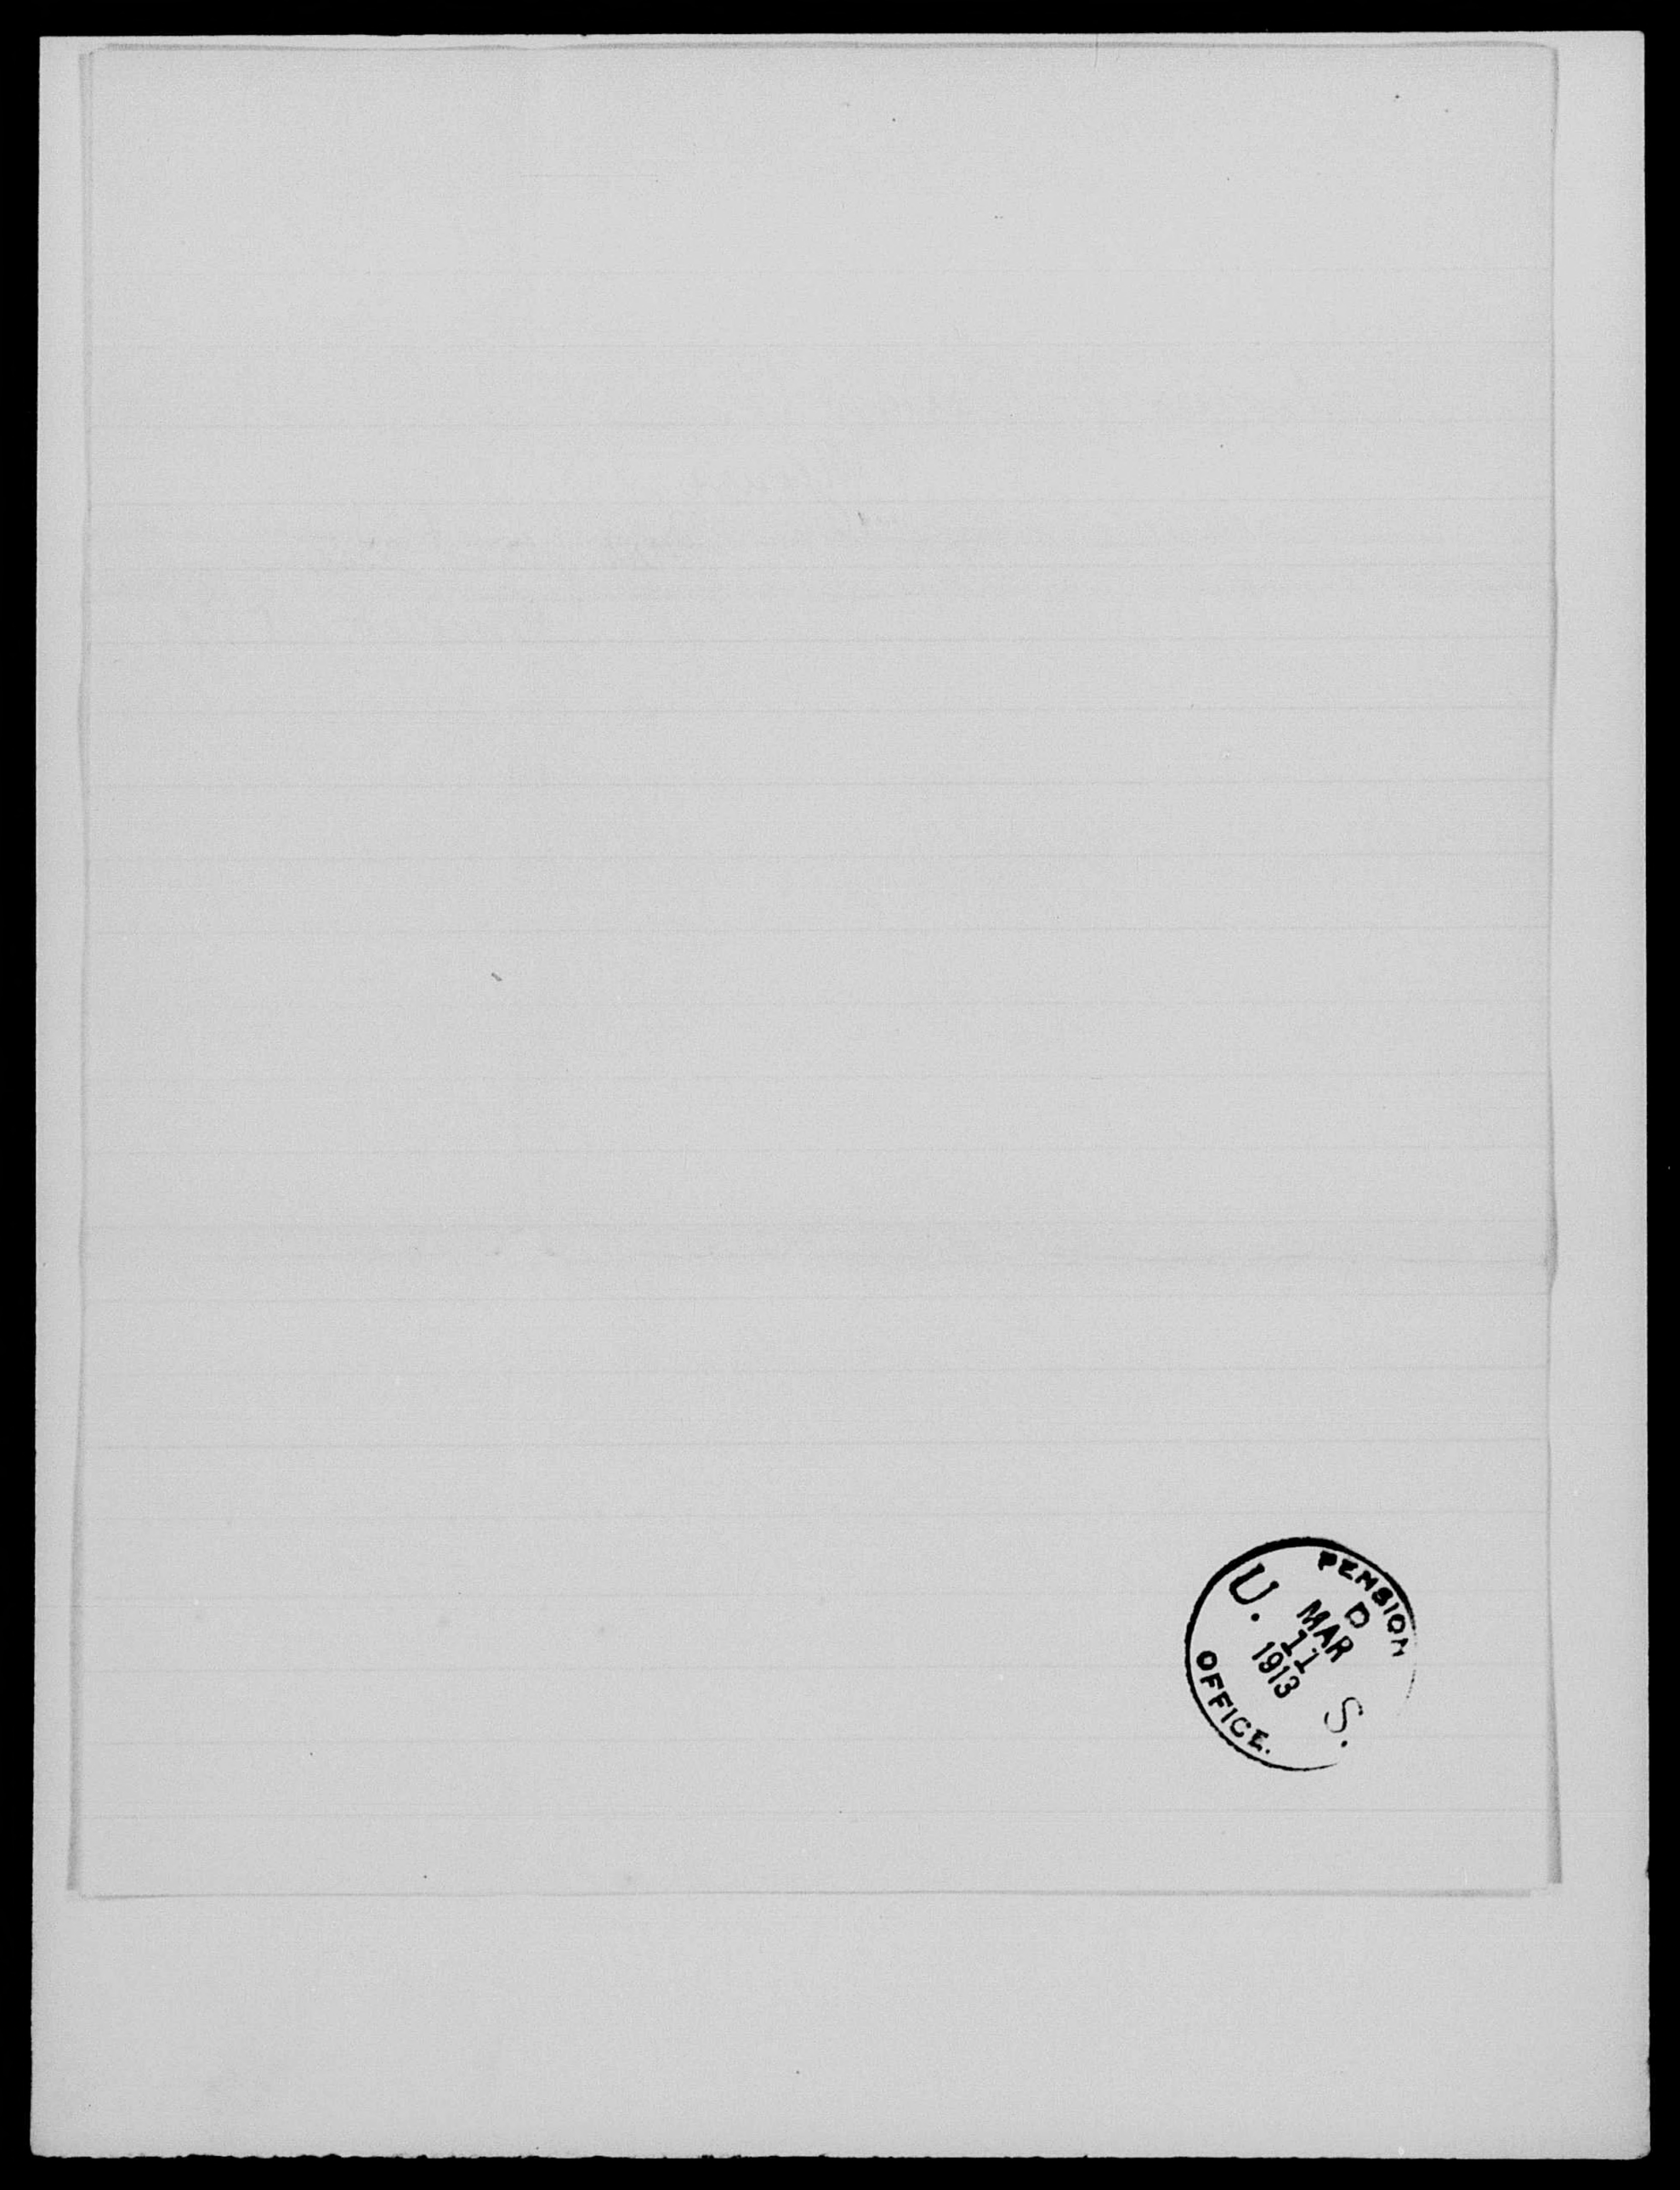[circular stamp in lower right corner]

U. S. Pension Office
D Mar 11 1913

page: 34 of 36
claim: widow's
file: W 20995, Gerrit Dubois, New York